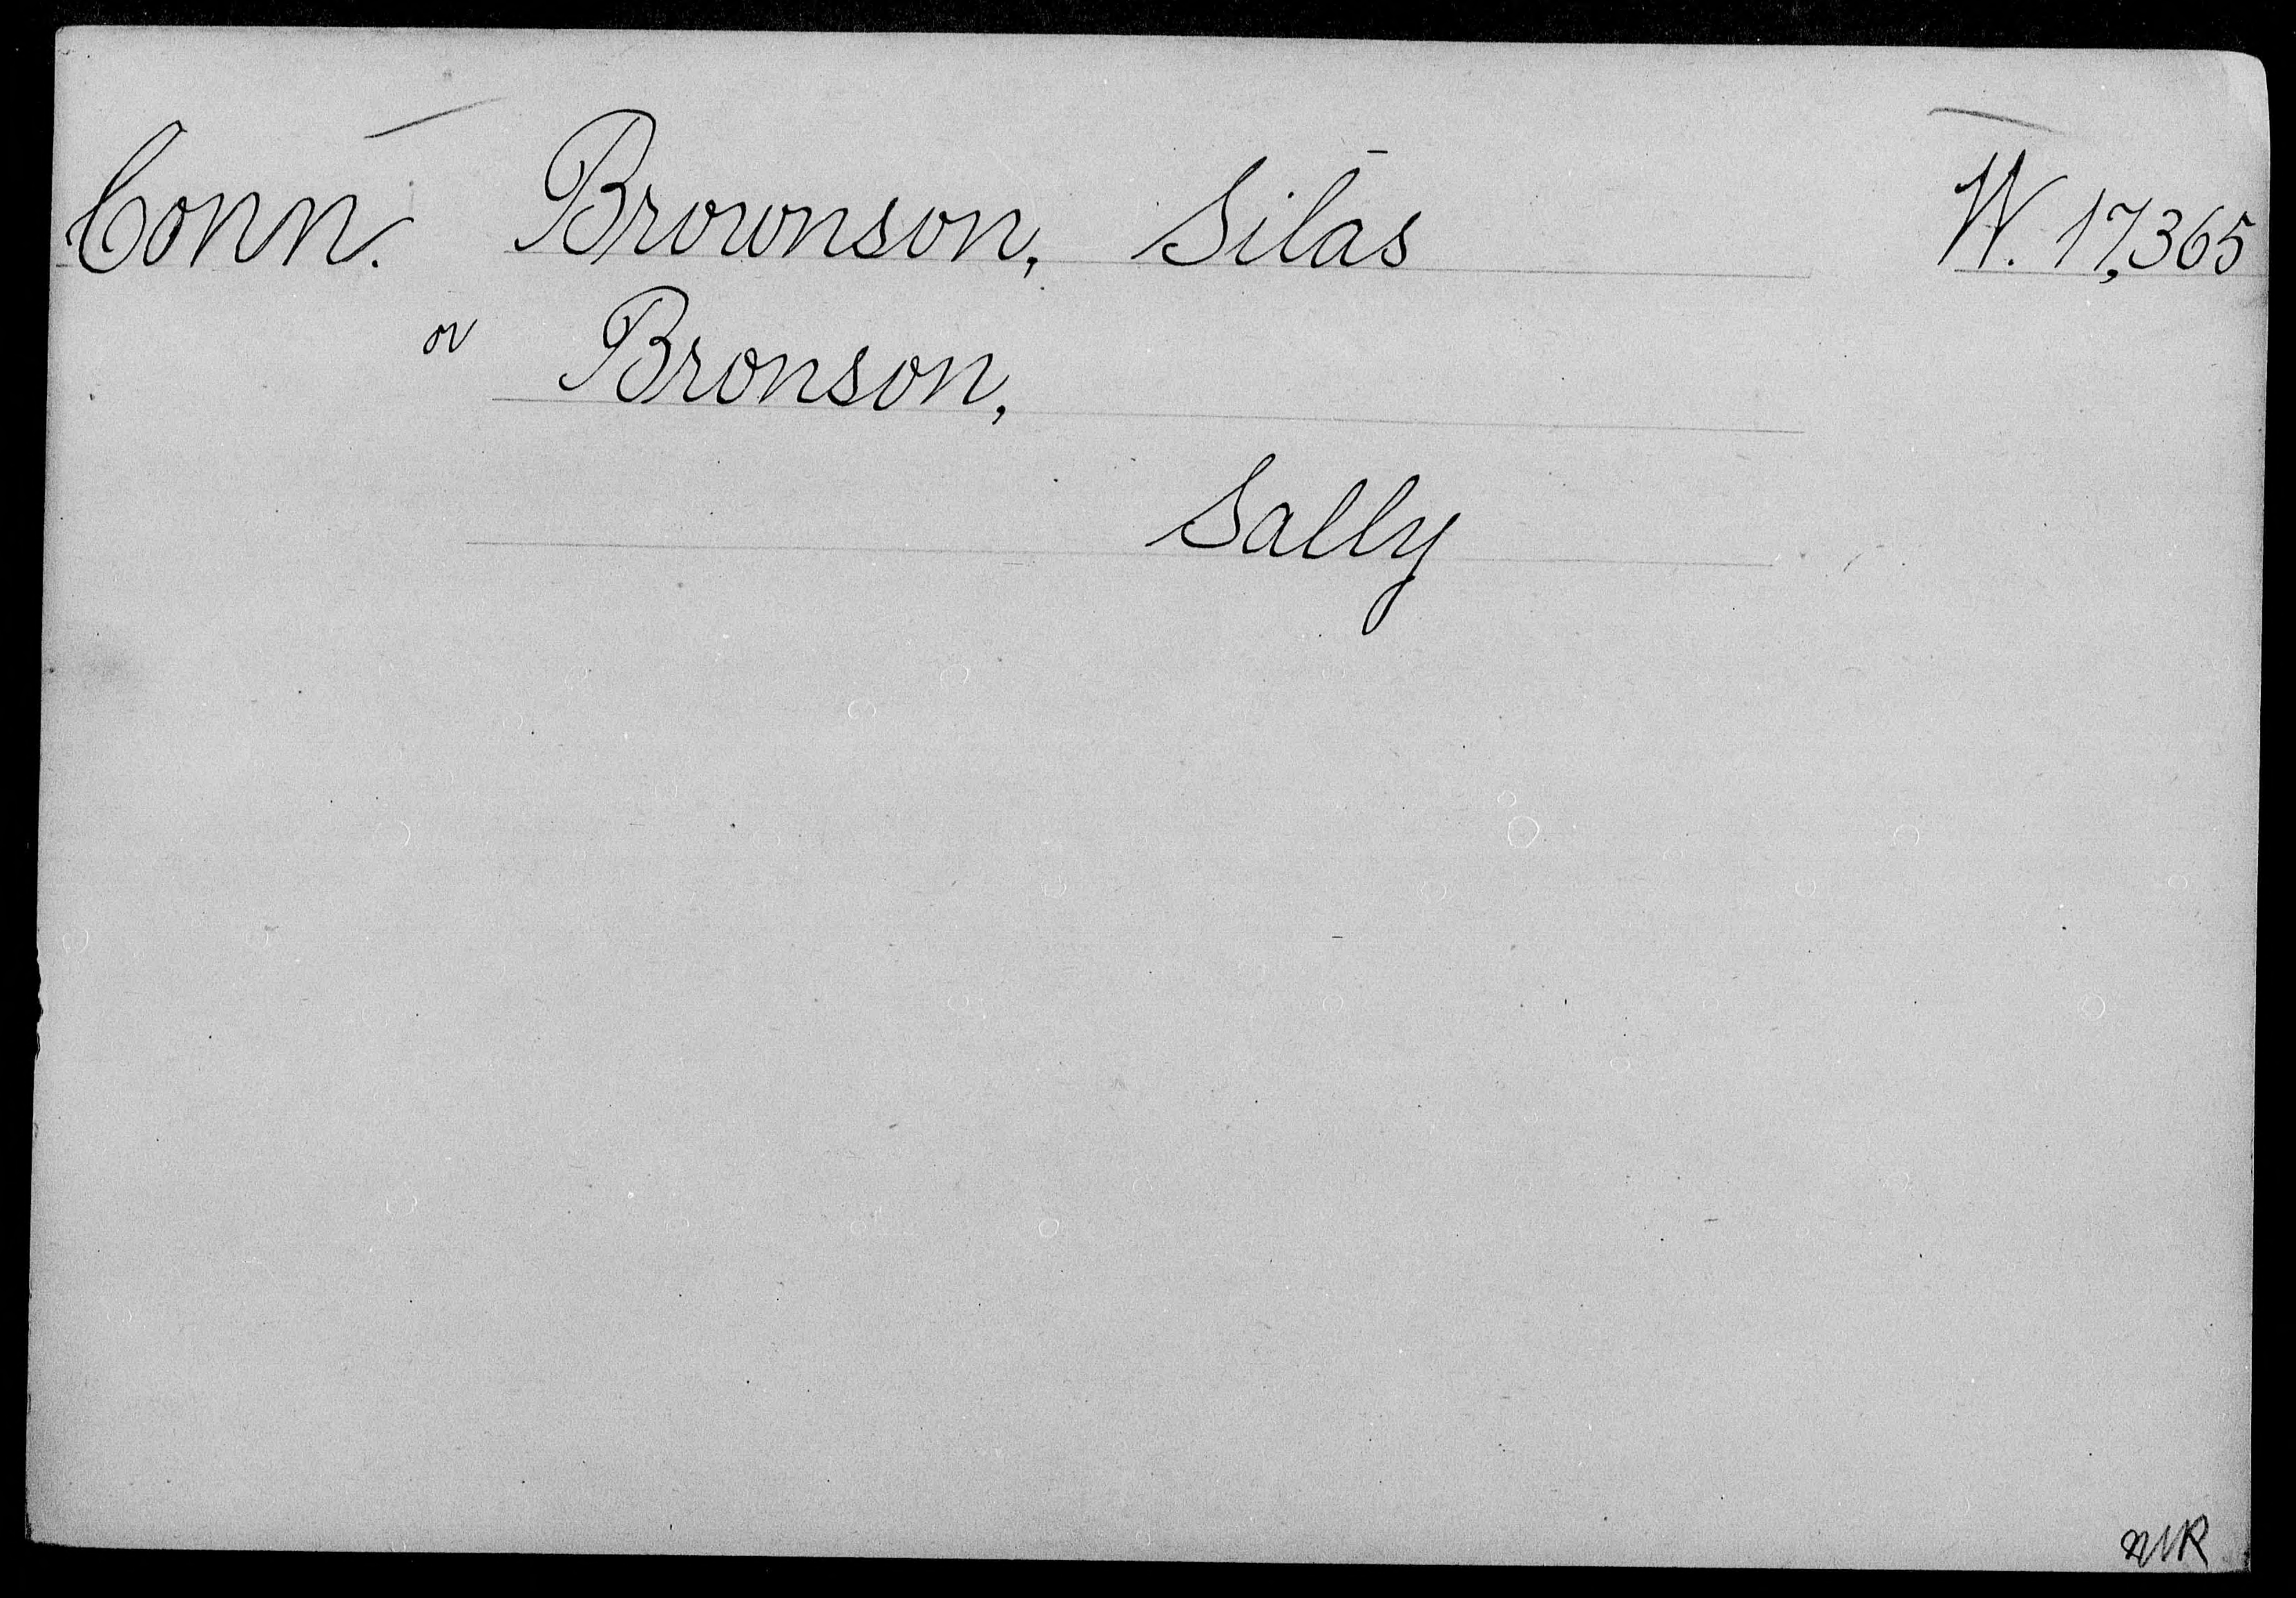Conn. Brownson, Silas
or Bronson, 
     Sally



W. 17,365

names: Silas Bronson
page: 1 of 1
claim: widow's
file: W. 17,365, Silas Brownson, Conn.